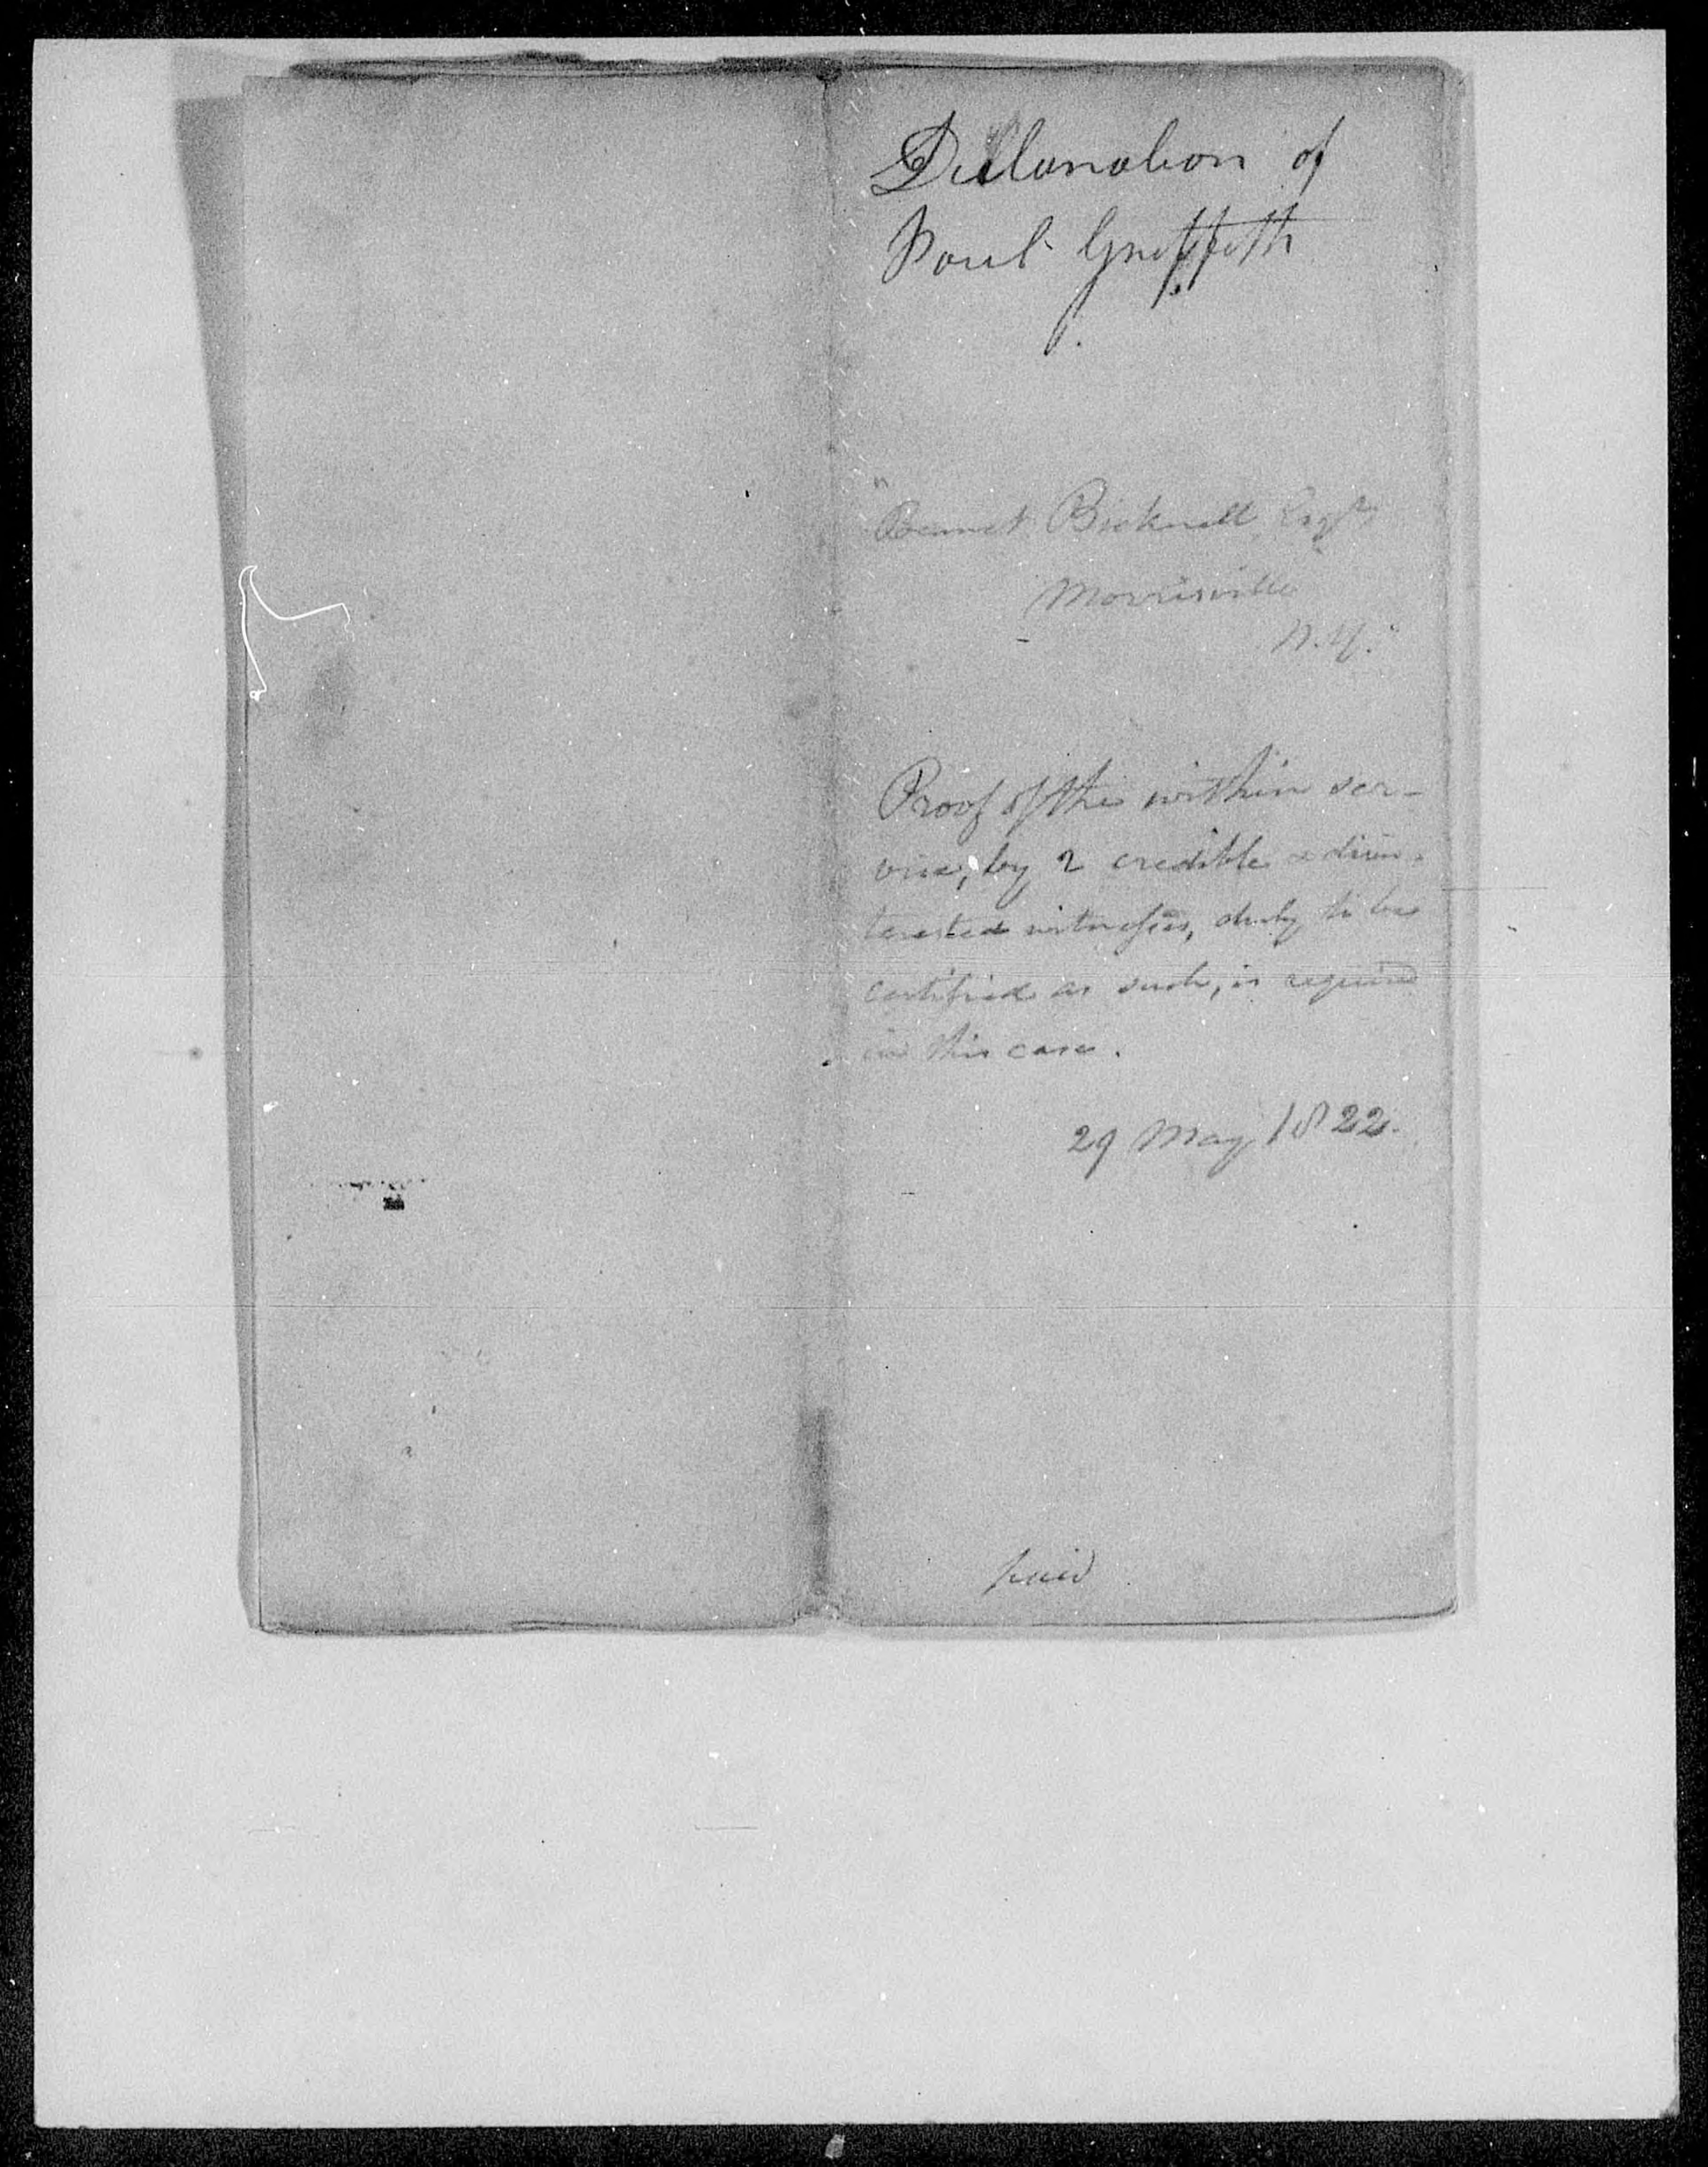Declaration of Paul Griffith

"Bennet Bicknell, Reg't
Morrisville, N.Y."

Proof of the withing service by 2 credible & disinterested witnesses, ?  certified as such, is required in this case.

29 May 1822

paid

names: Paul Griffith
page: 9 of 61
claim: survivor's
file: S. 22798, Paul Griffiths, R.I.